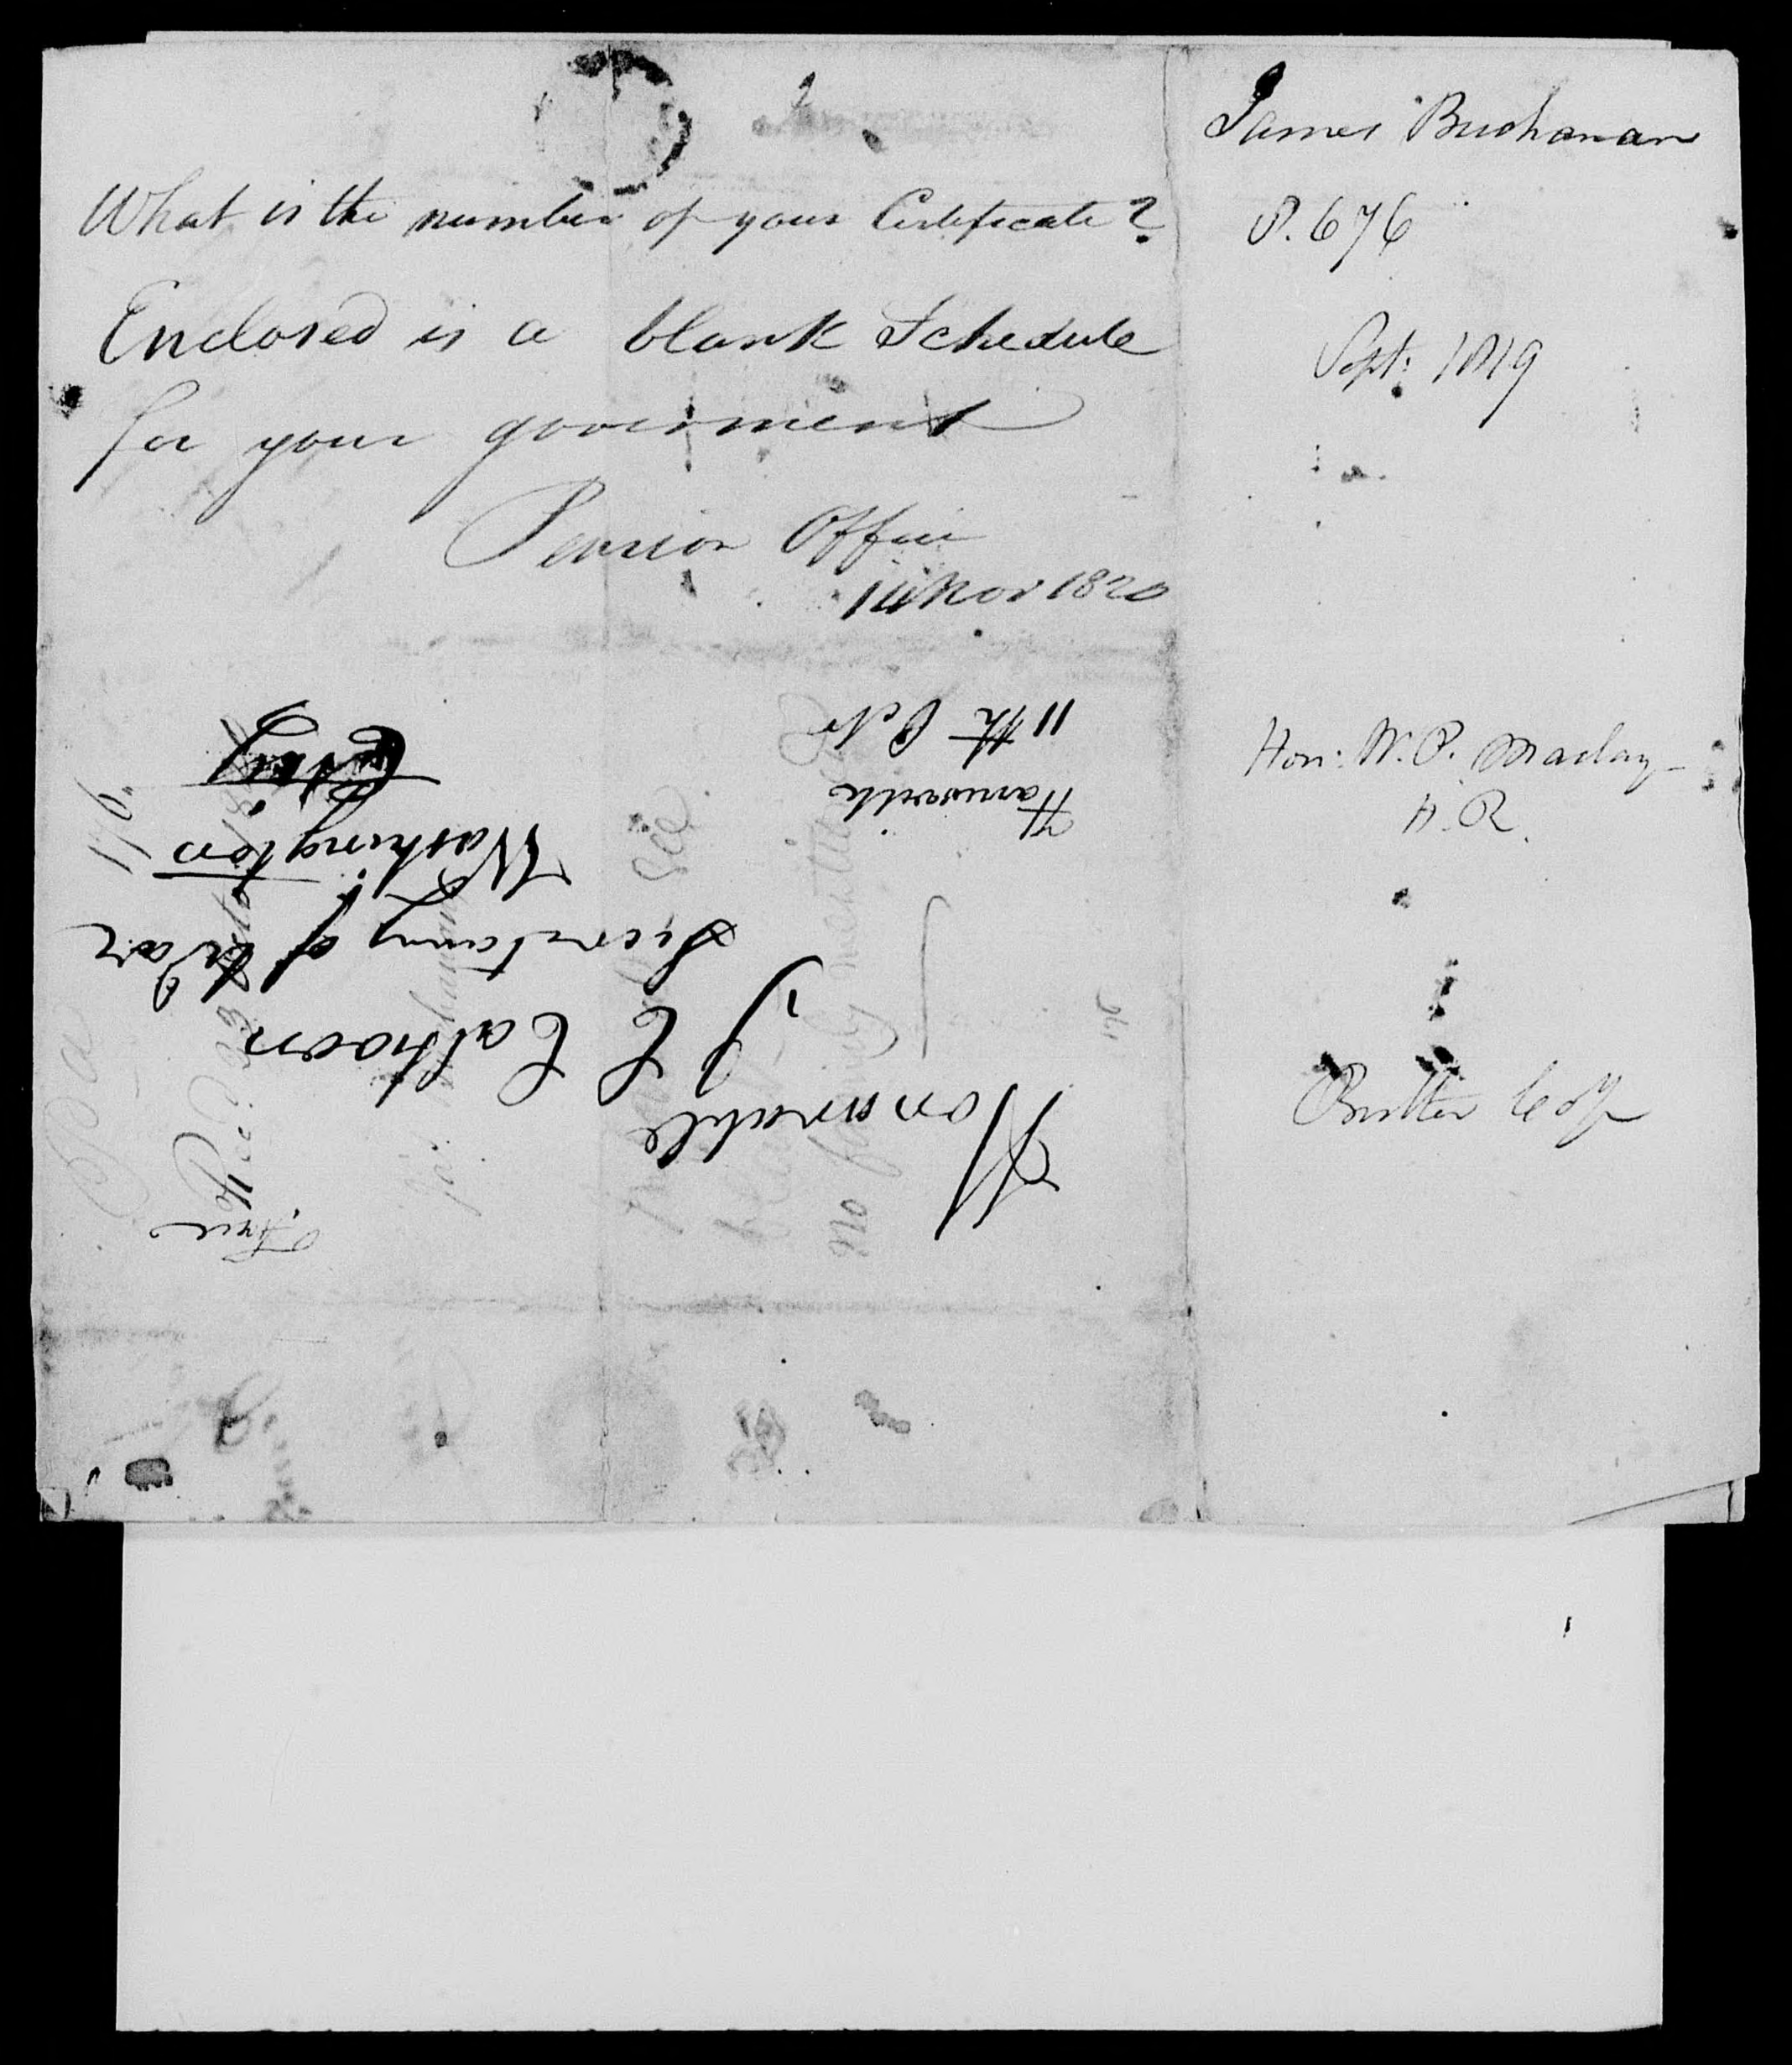What is the member of your certificate?
Enclosed is a blank schedule for your government.

                       Pension Office
                                        14 Nov 1820

James Buchanon 
S.676

 Sept 1819


Hon: W. P. Maclay
        H.R.

 (Unintelligible) 

Honorable J.C. Calhoun 
Secretary of War
Washington City


Harrisonville
11th Oct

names: J L Edwards, W P Maclay, James Buchanan, Jas Buchanan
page: 5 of 15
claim: survivor's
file: S. 40,765, James Buchanan, Pa.